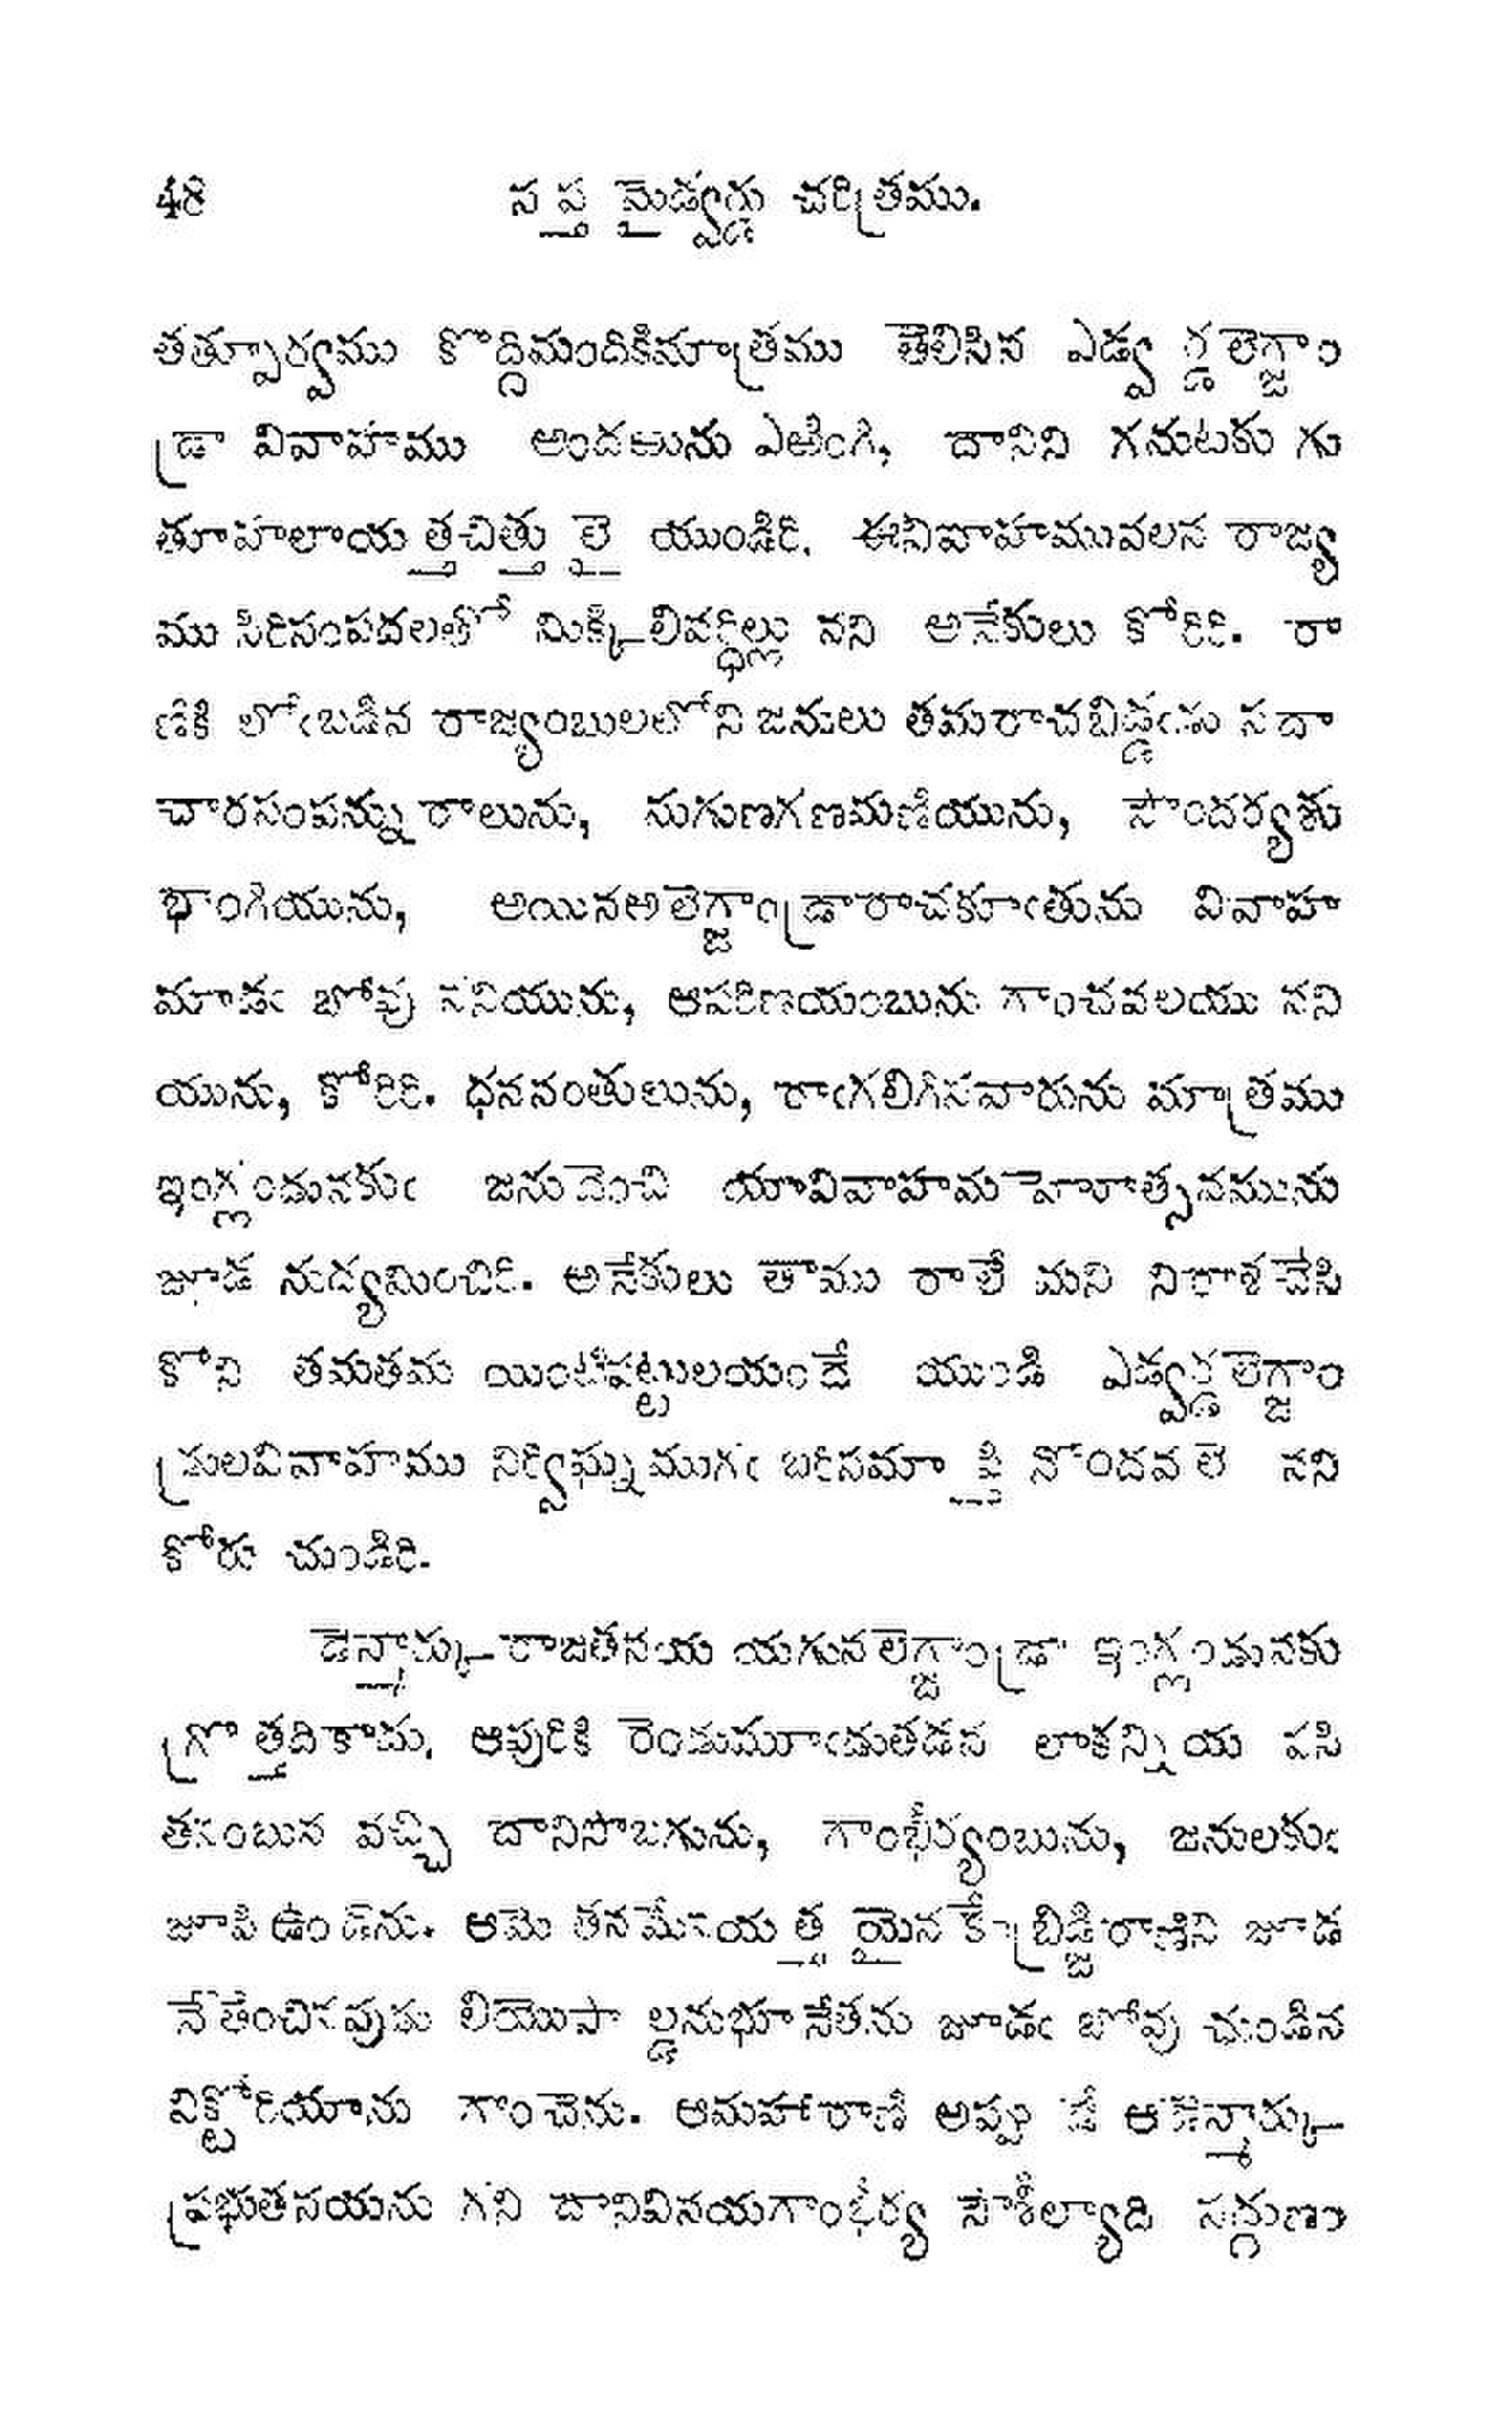తత్పూర్వము కొద్దిమందికి మాత్రము తెలిసిన ఎడ్వర్డలెగ్జాండ్రా వివాహము అందఱును ఎఱింగి, దానిని గనుటకుగుతూహలాయ త్తచిత్తులై యుండిరి. ఈవాహమువలన రాజ్య
ము సిరిసంపదలు మిక్కిలివర్ధిల్లు నని అనేకులు కోరిరి.రాణికి లోబడిన రాజ్యంబులలోని జనులు తమరాచబిడ్డ కు సదాచార సంపన్నురాలును, సుగుణగణమణీయును, సౌందర్యము
భాంగియును, అయినటు లెగ్జాండ్రా రాచకూఁతును వివాహమాడ బోవు ననియును, ఆపరిణయంబును గాంచవలయు ననియును, కోరిరి. ధననంతులును, రాఁగలిగిన వారును మాత్రము ఇంగ్లండునకుఁ జనుదెంచి యూవివాహమ మోత్సవమునుజూడ నుద్యమించిరి.. అనేకులు తాము రాలే మని నిరాశ చేసికొని తమతమ యింటి పట్టులయందే యుడి ఎడ్వ, లెగ్జాం
డ్రుల వినాహము నిర్విఘ్న ముగఁ బరిసమాప్తిస్ నొందవలె సని కోరు చుడిరి.

డెన్నార్కు రాజతనయ యగున లెగ్జాండ్రి" ఇంగ్లమునకు క్రొత్తది కాదు. ఆపురికి రెండుమూఁడుతడవలాకన్నియ పసి తనంబున వచ్చి దానిసొబగును, గాంభీర్యంబును, జనులకు:
జూపి ఉండెను. ఆమె తన మేనయత్త యైన కేం బ్రిడ్జి రాణిని జూడనే తెంచిన పుడు లియొసాల్డను భూనేతను జూడఁ బోవు చుండిన విక్టోరియాను గాంచెను. ఆమహారాణి అప్పుడే అడెన్మార్కు
ప్రభుతనయను గని దానివినయగాంభీర్య సౌశీల్యాది సద్గుణం